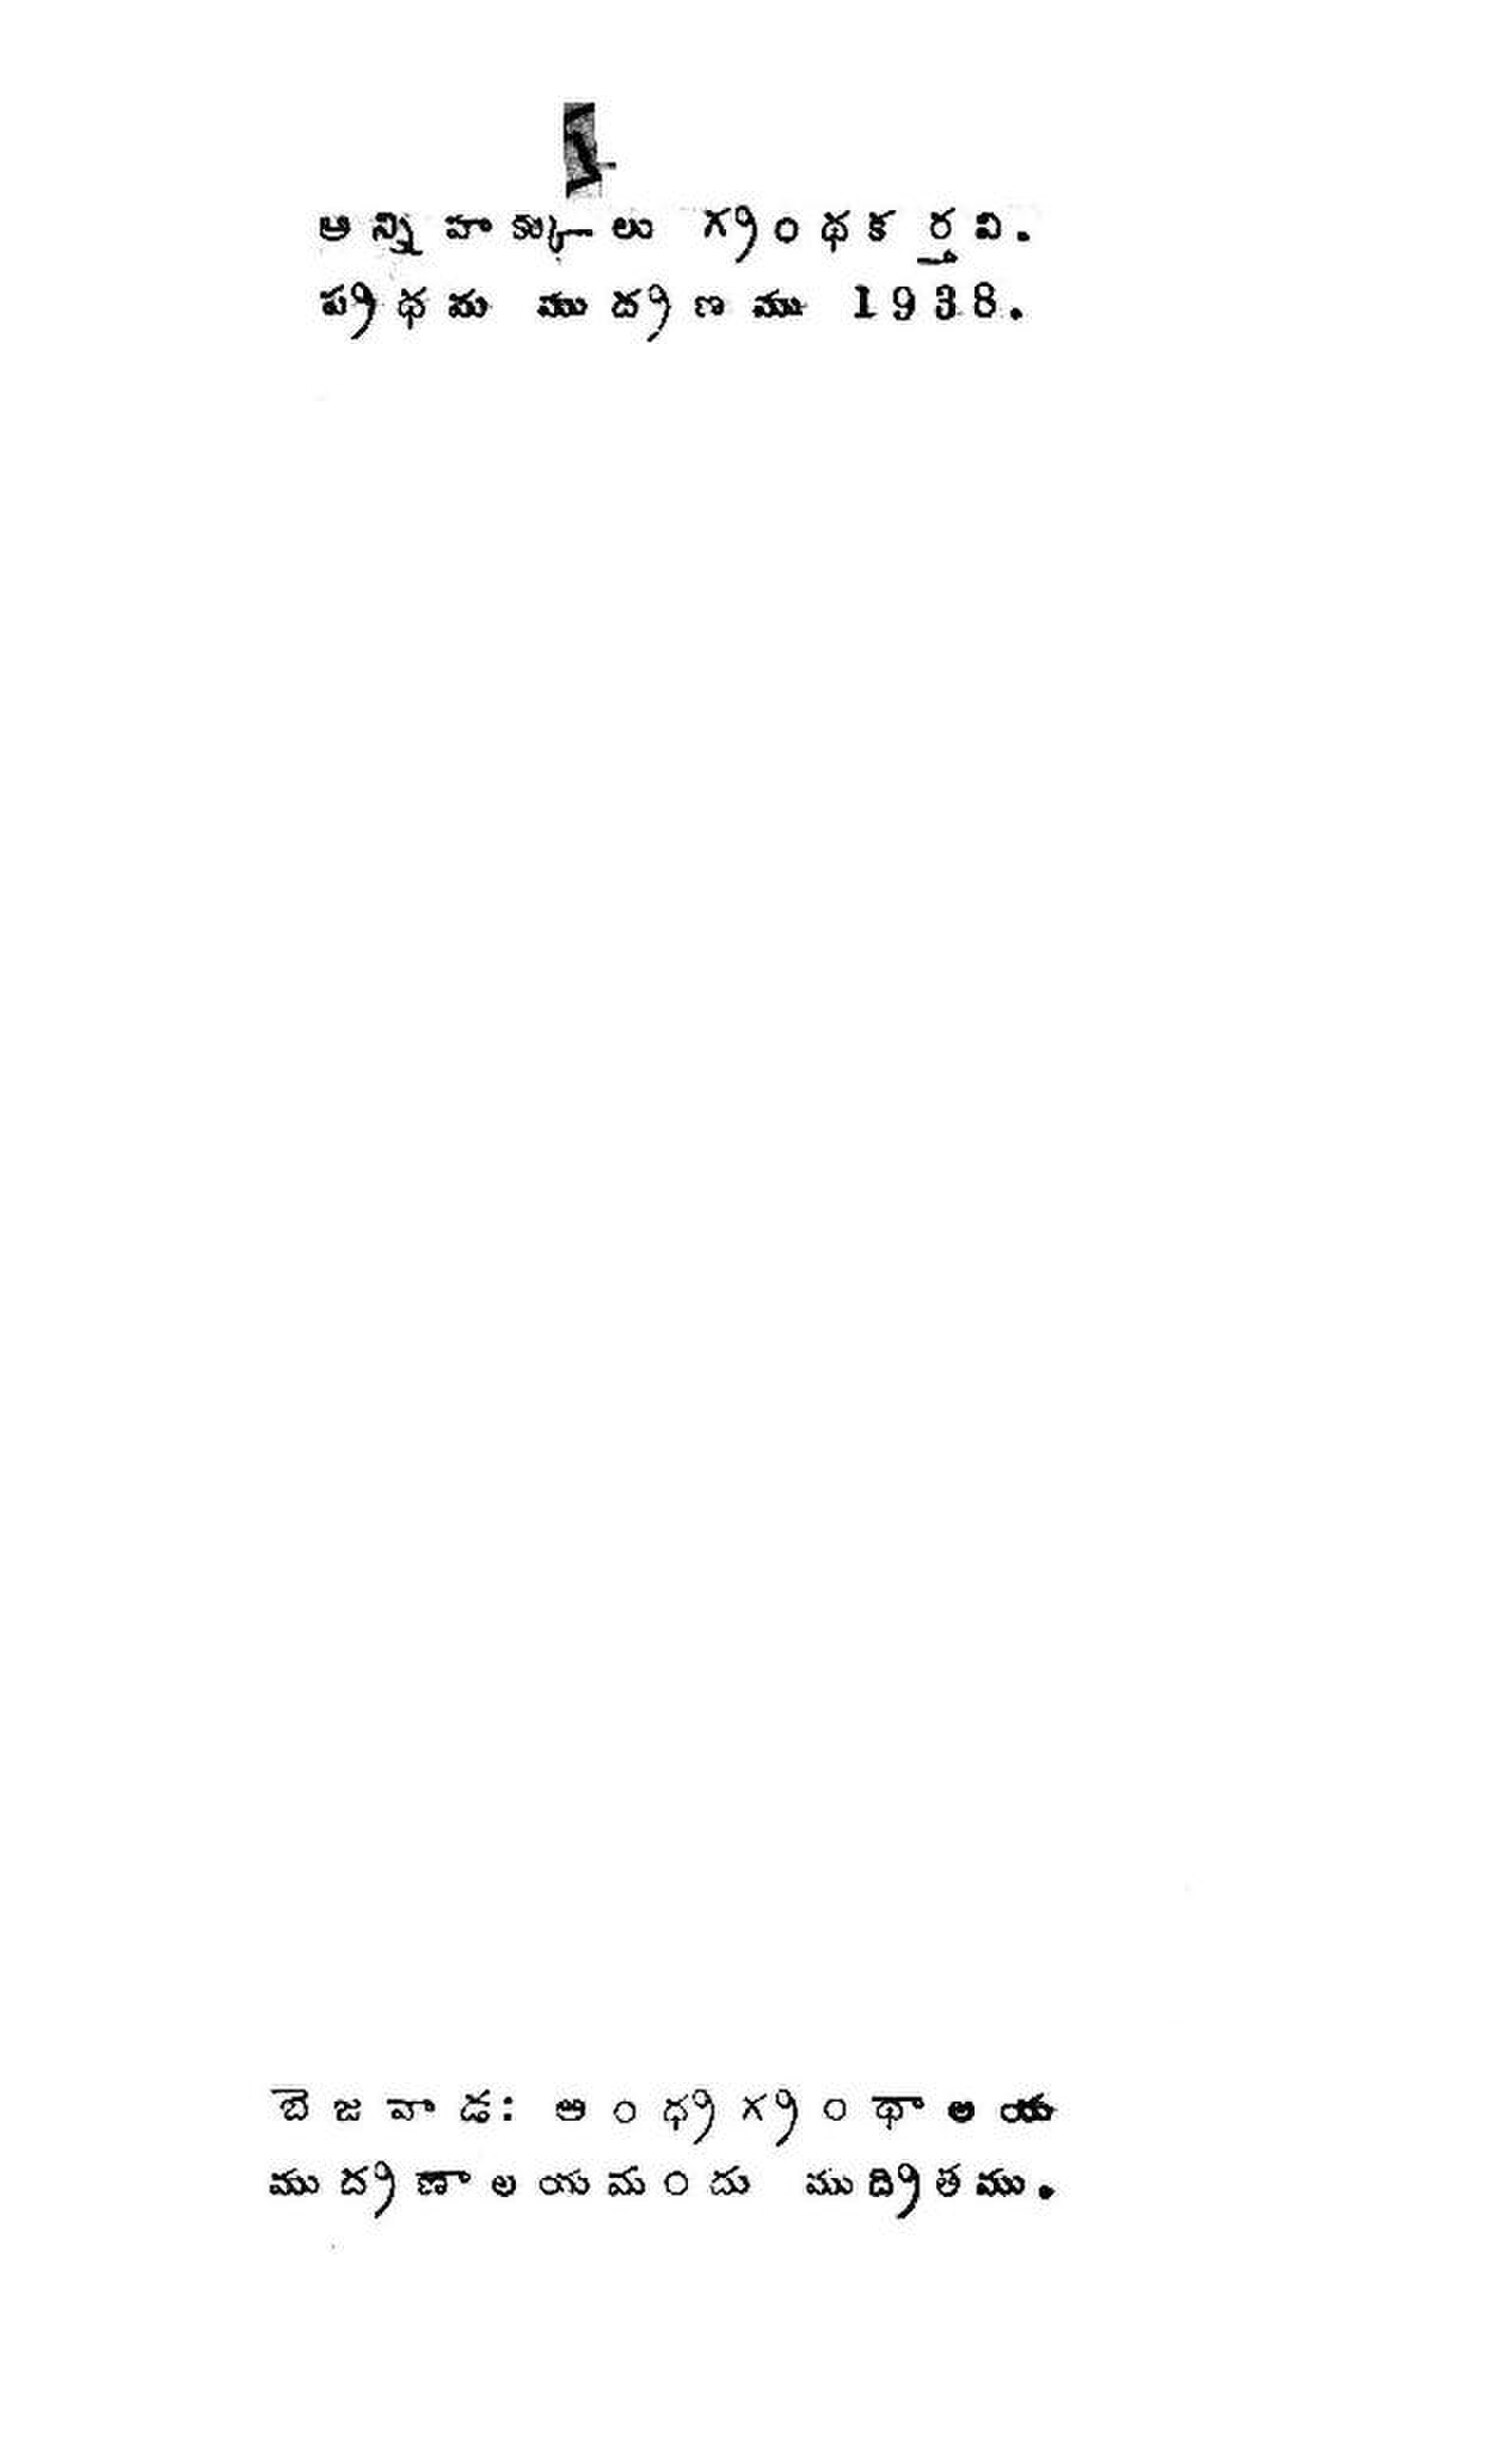అన్నిహక్కులు గ్రంథకర్తవి
ప్రథమ ముద్రణము 1938

బెజవాడః ఆంధ్రగ్రంథాలయ
ముద్రణాలయమందు ముద్రితము.